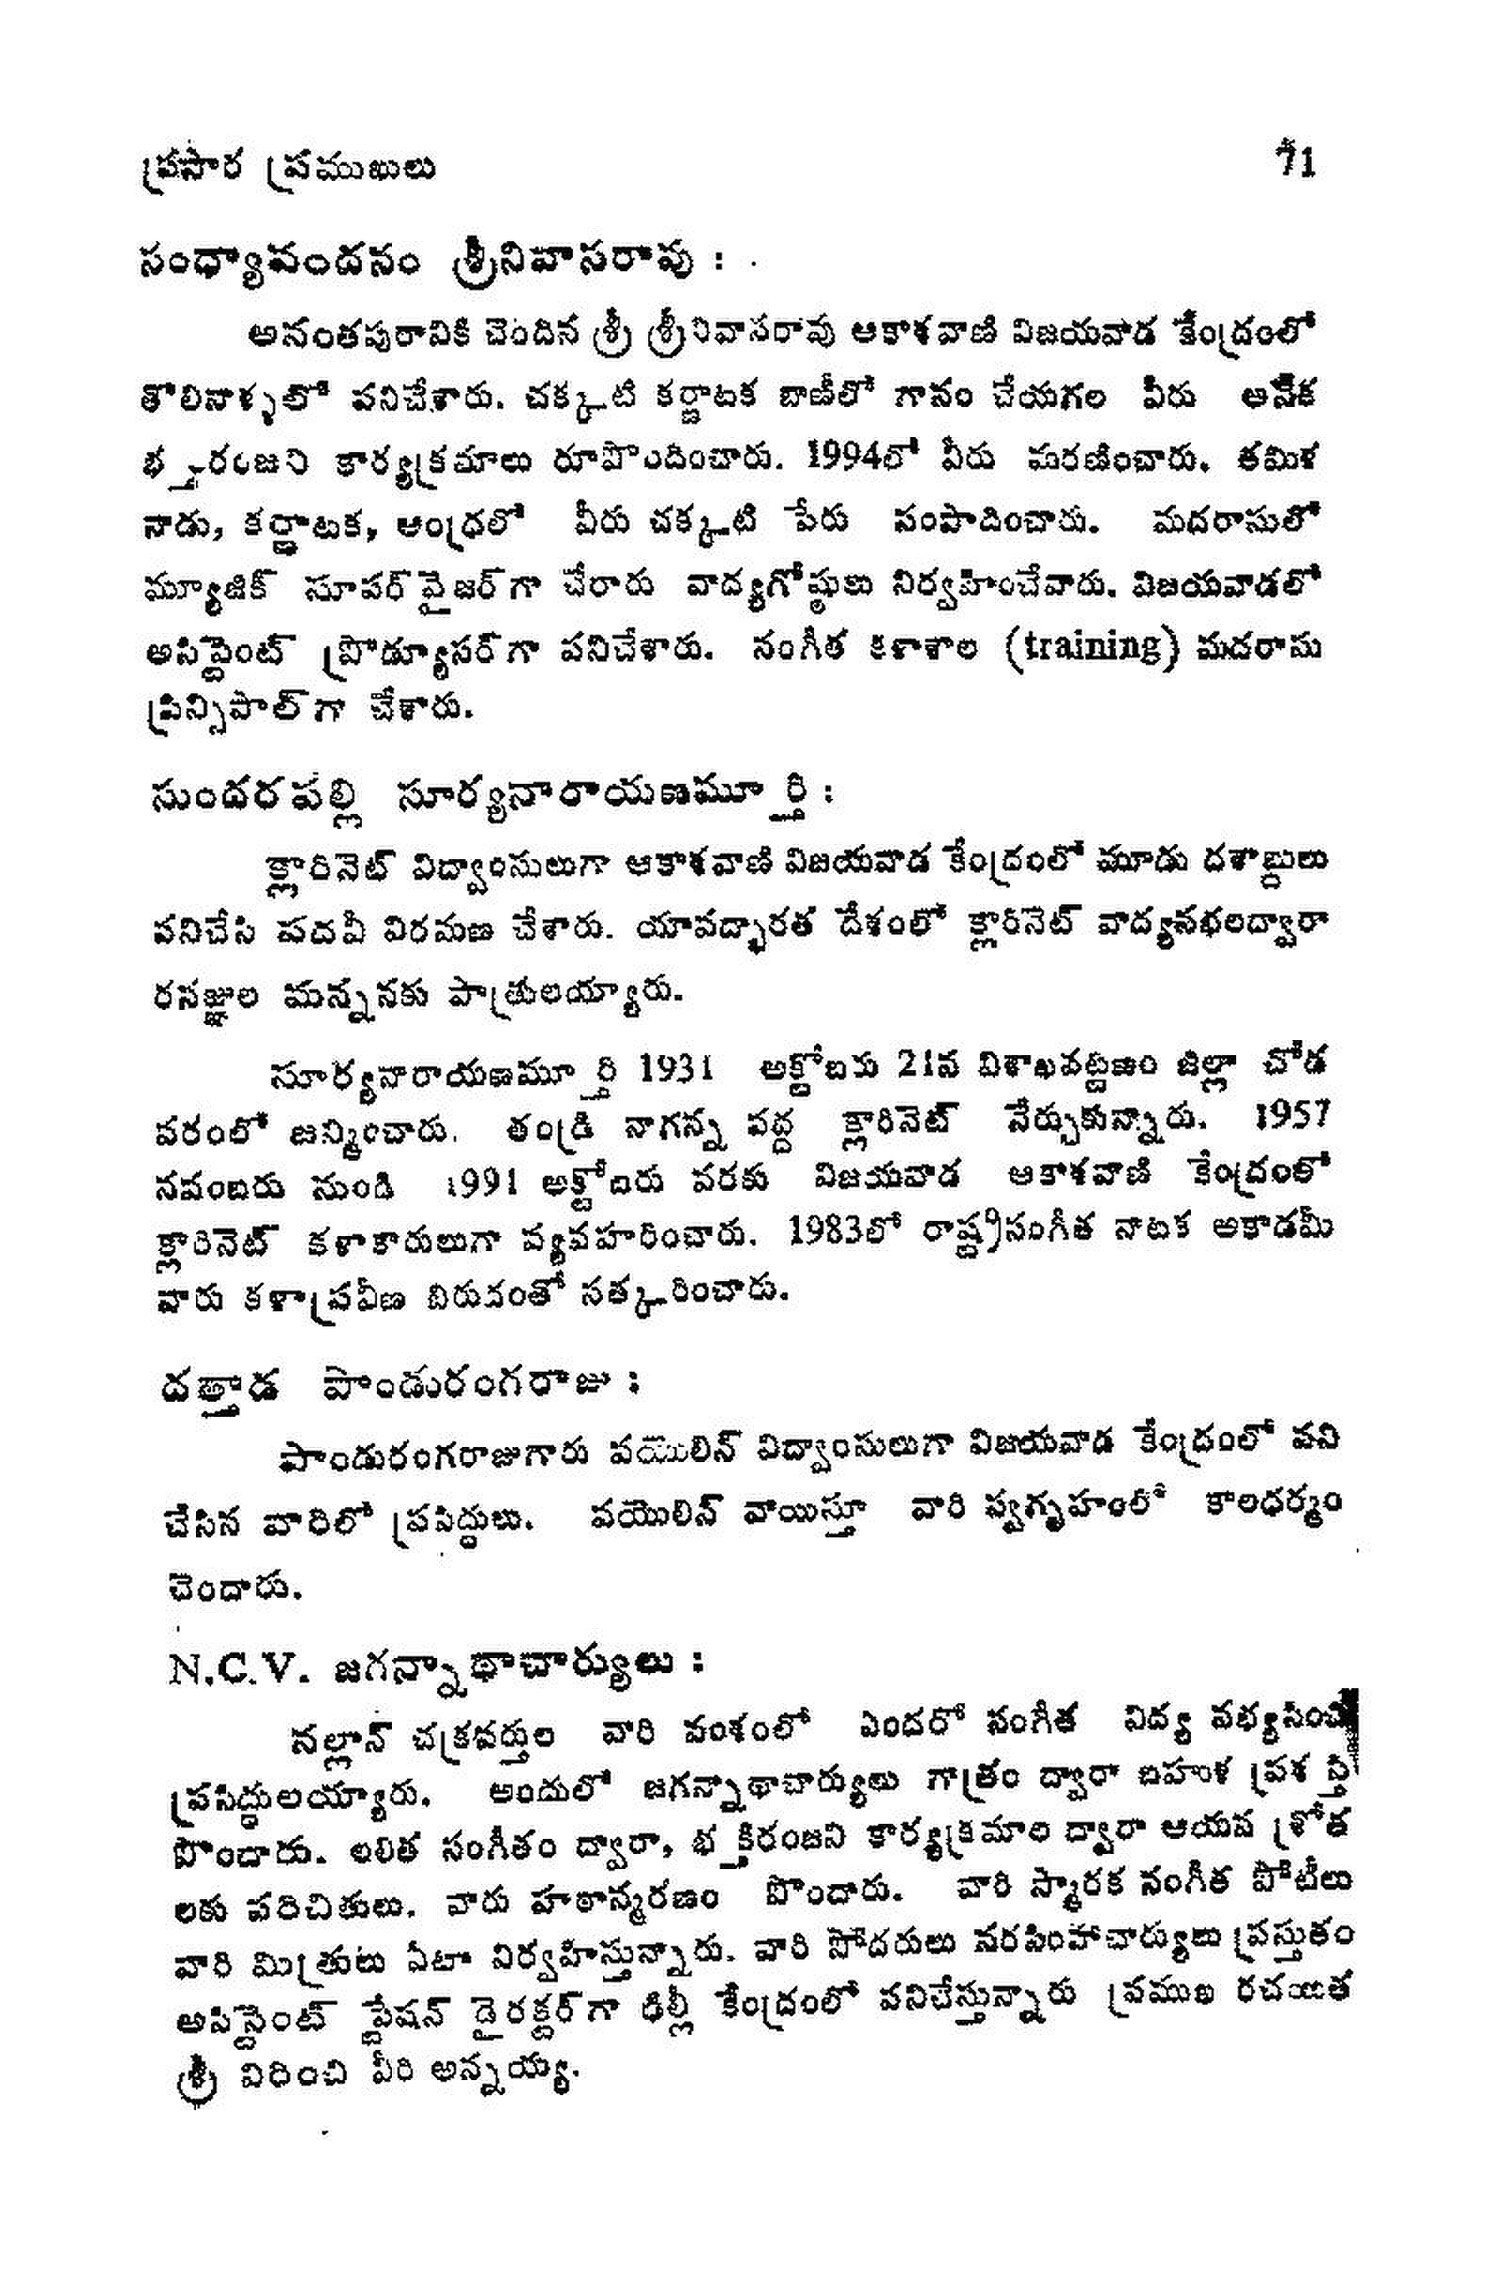అనంతపురానికి చెందిన శ్రీ శ్రీనివాసరావు ఆకాశవాణి విజయవాడ కేంద్రంలో తొలినాళ్ళలో పనిచేశారు. చక్కటి కర్ణాటక బాణీలో గానం చేయగల వీరు అనేక భక్తరంజని కార్యక్రమాలు రూపొందించారు. 1994లో వీరు మరణించారు. తమిళనాడు, కర్ణాటక, ఆంధ్రలో వీరు చక్కటి పేరు సంపాదించారు. మదరాసులో మ్యూజిక్ సూపర్‌వైజర్ గా చేరారు. వాద్యగోస్టులు నిర్వహించేవారు. విజయవాడలో అసిస్టెంట్ ప్రొడ్యూసర్‌గా పనిచేశారు. సంగీత కళాశాల (training) మదరాసు ప్రిన్సిపాల్‌గా చేశారు.

క్లారినెట్ విద్వాంసులుగా ఆకాశవాణి విజయవాడ కేంద్రంలో మూడు దశాబ్దాలు పనిచేసి పదవీ విరమణ చేశారు. యావద్భారత దేశంలో క్లారినెట్ వాద్యసభలద్వారా రసజ్ఞుల మన్ననకు పాత్రులయ్యారు.

సూర్యనారాయణమూర్తి 1931 అక్టోబరు 21న విశాఖపట్టణము జిల్లా చోడవరంలో జన్మించారు. తండ్రి నాగన్న వద్ద క్లారినెట్ నేర్చుకున్నారు. 1957 నవంబరు నుండి 1991 అక్టోబరు వరకు విజయవాడ ఆకాశవాణి కేంద్రంలో క్లారినెట్ కళాకారులుగా వ్యవహరించారు. 1983లో రాష్ట్రసంగీత నాటక అకాడమీ వారు కళాప్రవీణ బిరుదంతో సత్కరించారు. 

పాండురంగరాజుగారు వయొలిన్ విద్వాంసులుగా విజయవాడ కేంద్రంలో పని చేసిన వారిలో ప్రసిద్ధులు. వయొలిన్ వాయిస్తూ వారి స్వగృహంలో కాలధర్మం చెందారు.

నల్లాన్ చక్రవర్తుల వారి వంశంలో ఎందరో సంగీత విద్య నభ్యసించి ప్రసిద్ధులయ్యారు. అందులో జగన్నాథాచార్యులు గాత్రం ద్వారా బహుళ ప్రశస్తి పొందారు. లలిత సంగీతం ద్వారా, భక్తిరంజని కార్యక్రమాల ద్వారా ఆయన శ్రోతలకు పరిచితులు. వారు హఠాన్మరణం పొందారు. వారి స్మారక సంగీత పోటీలు వారి మిత్రులు ఏటా నిర్వహిస్తున్నారు. వారి సోదరులు నరసింహాచార్యులు ప్రస్తుతం అసిస్టెంట్ స్టేషన్ డైరక్టర్‌గా డిల్లీ కేంద్రంలో పనిచేస్తున్నారు. ప్రముఖ రచయిత శ్రీ విరించి వీరి అన్నయ్య.